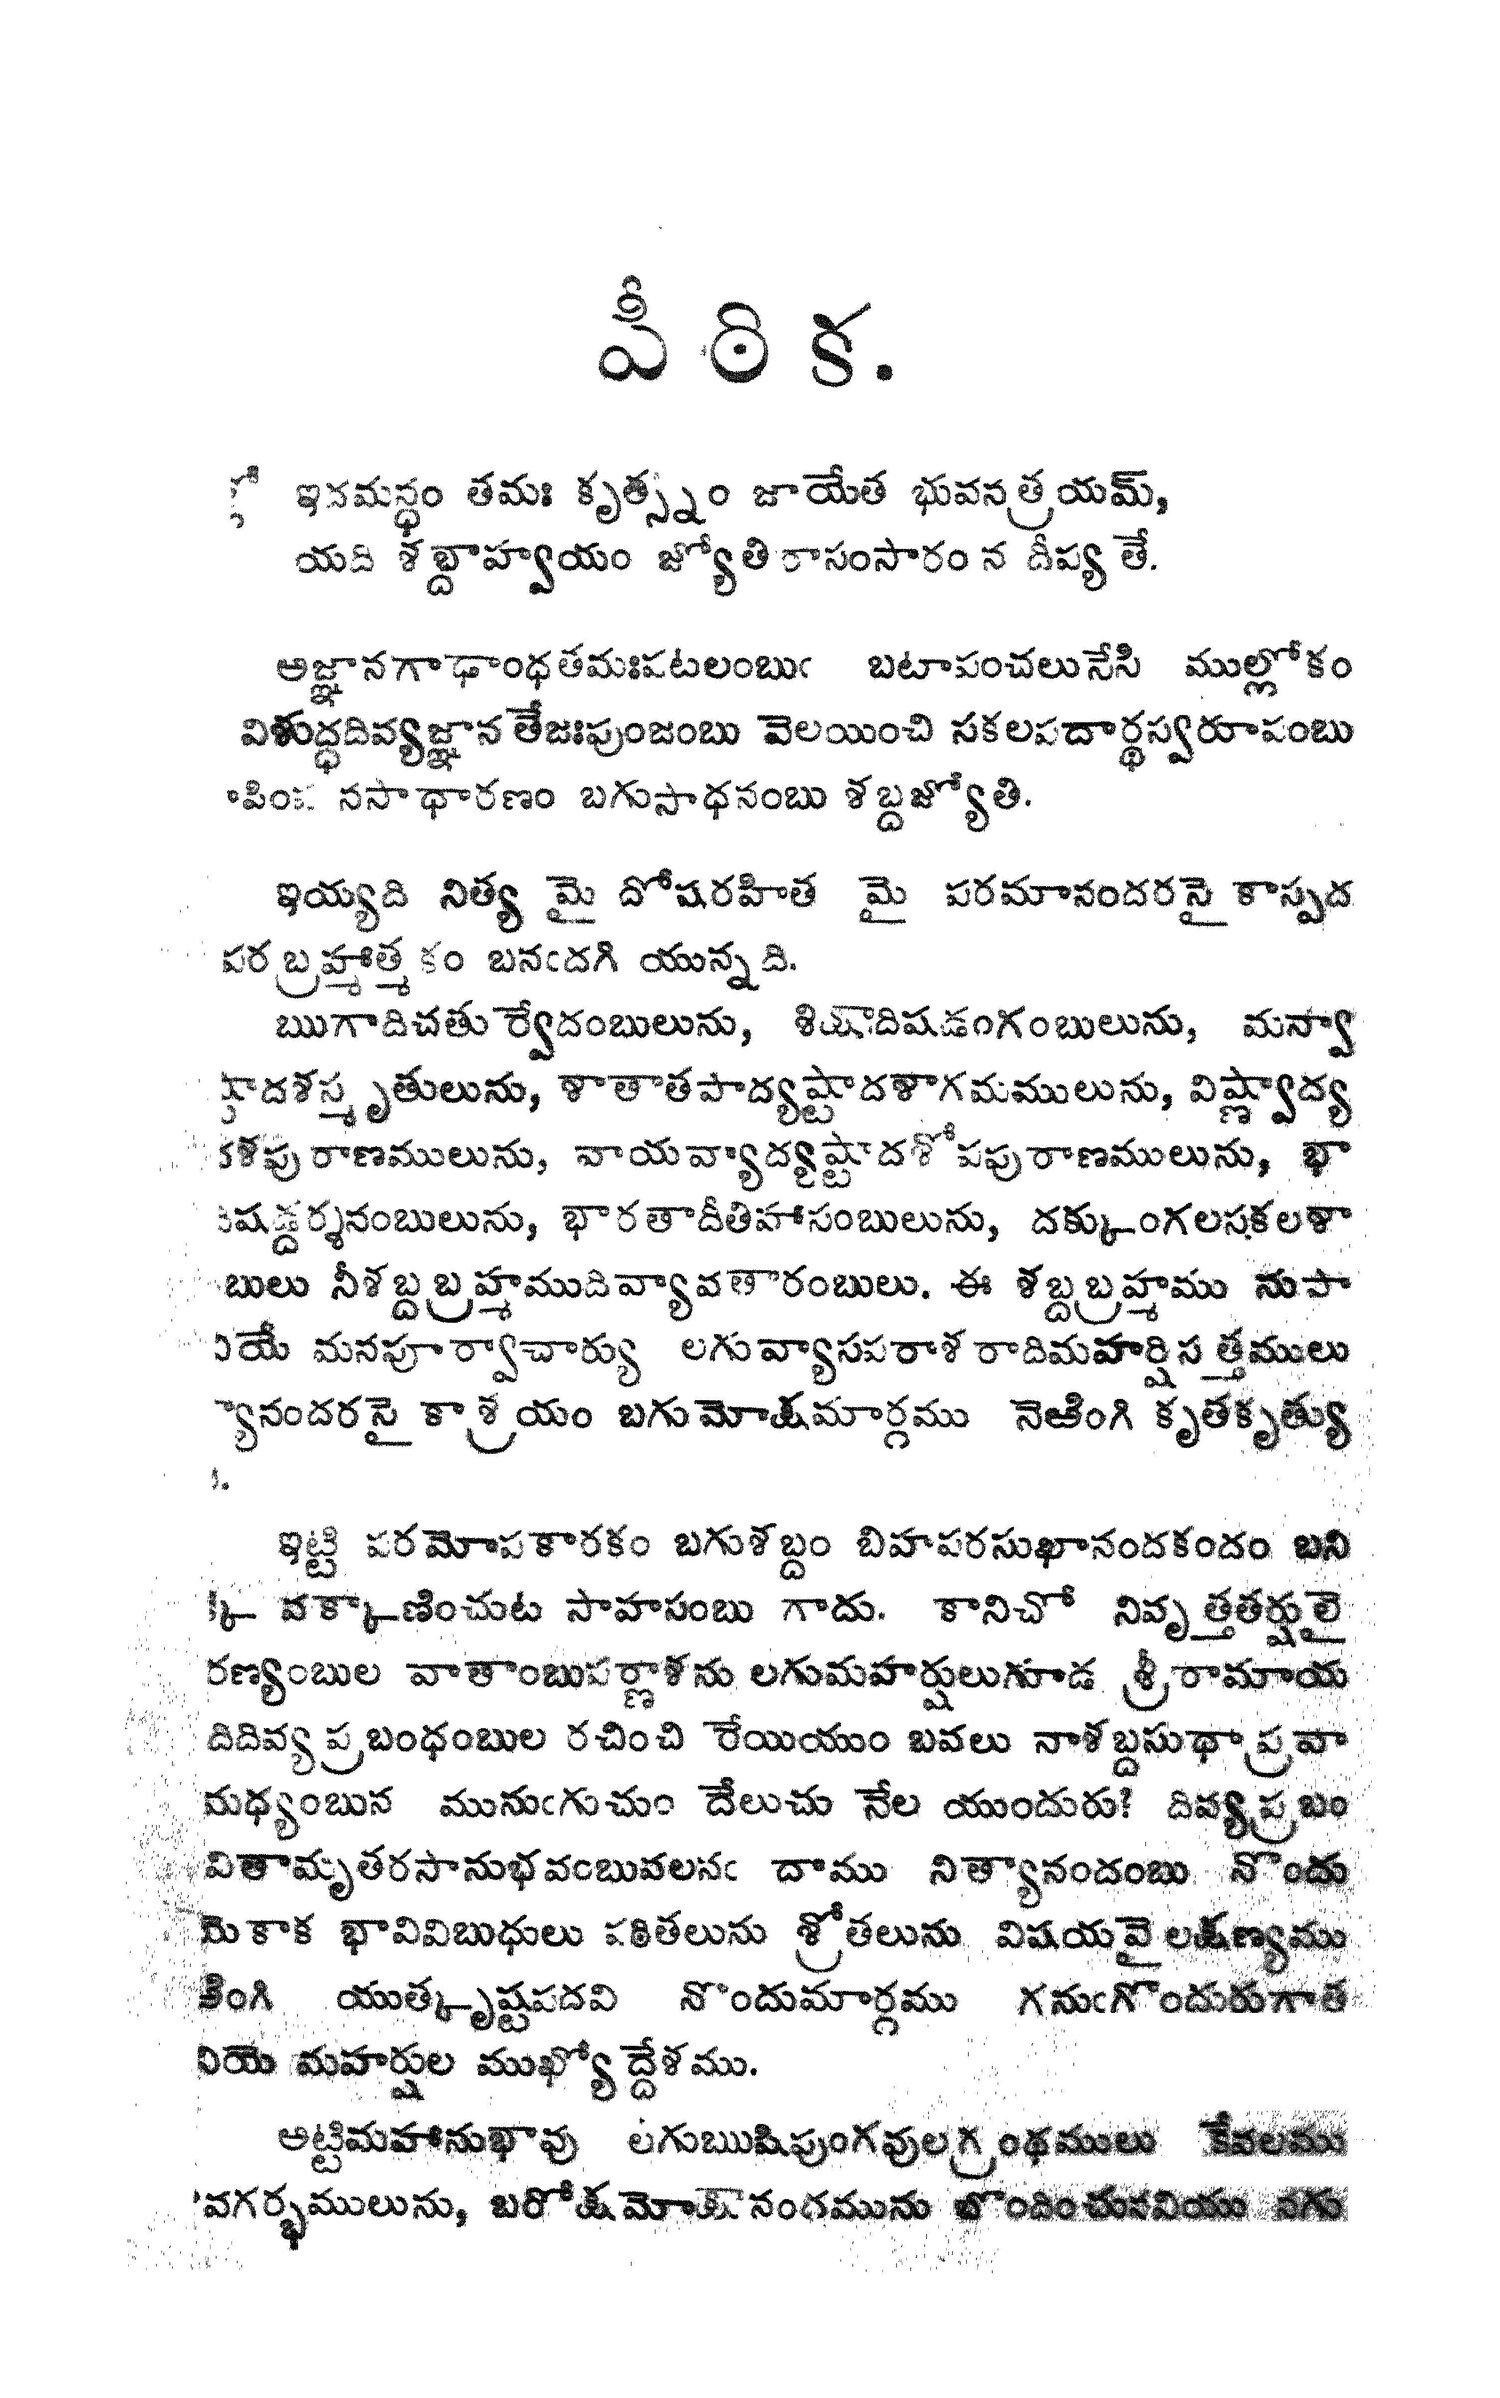పీఠిక.

శ్లో. ఇదమన్ధం తమః కృత్స్నం జాయేత భువనత్రయమ్,
 యది శబ్దాహ్వయం జ్యోతిరాసంసారం న దీప్యతే. 
అజ్ఞానగాఢాంధతమఃపటలంబుఁ బటాపంచలుసేసి ముల్లోకంబులందు విశుద్దదివ్యజ్ఞాన తేజఃపుంజంబు వెలయించి సకలపదార్ధస్వరూపంబు నిరూపింప నసాధారణం బగుసాధనంబు శబ్దజ్యోతి.

ఇయ్యది నిత్య మై దోషరహిత మై పరమానందరసైకాస్పద మై పరబ్రహాత్మకం బనఁదగి యున్నది.

ఋగాదిచతుర్వేదంబులును, శిక్షాదిషడంగంబులును, మన్వాద్యష్ఠాదశస్మృతులును, శాతాతపాద్యష్టాదశాగమములును, విష్ణ్వాద్యష్టాదశపురాణములును, వాయవ్యాద్యష్టాదశోపపురాణములును, భాష్యాదిషడ్దర్శనంబులును, భారతాదీతిహాసంబులును, దక్కుంగలసకలశాస్త్రంబులు నీశబ్దబ్రహ్మముదివ్యావతారంబులు. ఈ శబ్దబ్రహ్మము నుపాసించియే మనపూర్వాచార్యు లగువ్యాసపరాశరాది మహర్షిసత్తములు దివ్యానందరసైకాశ్రయం బగు మోక్షమార్గము నెఱింగి కృతకృత్యులైరి.

ఇట్టి పరమోపకారకం బగుశబ్దం బిహపరసుఖానందకందం బని నొక్కి వక్కాణించుట సాహసంబు గాదు. కానిచో నీవృత్తతర్షులై యరణ్యంబుల వాతాంబుపర్ణాశను లగుమహర్షులుగూడ, శ్రీరామాయణాదిదివ్యప్రబంధంబుల రచించి రేయియుం బవలు నాశబ్దసుథాప్రవాహమధ్యంబున మునుఁగుచుం దేలుచు నేల యుందురు? దివ్యప్రబంధకవితామృతరసానుభవంబువలనఁ దాము నిత్యానందంబు నొందుటయెకాక భావివిబుధులు పఠితలును శ్రోతలును విషయవైలక్షణ్యము లెఱింగి యుత్కృష్టపదవి నొందుమార్గము గనుఁగొందురుగాత యనియె మహర్షుల ముఖ్యోద్దేశము.

అట్టిమహానుభావు లగుఋషిపుంగవులగ్రంథములు కేవలము భావగర్భములును, బరోక్షమోక్షానందమును బొందించునవియు నగు